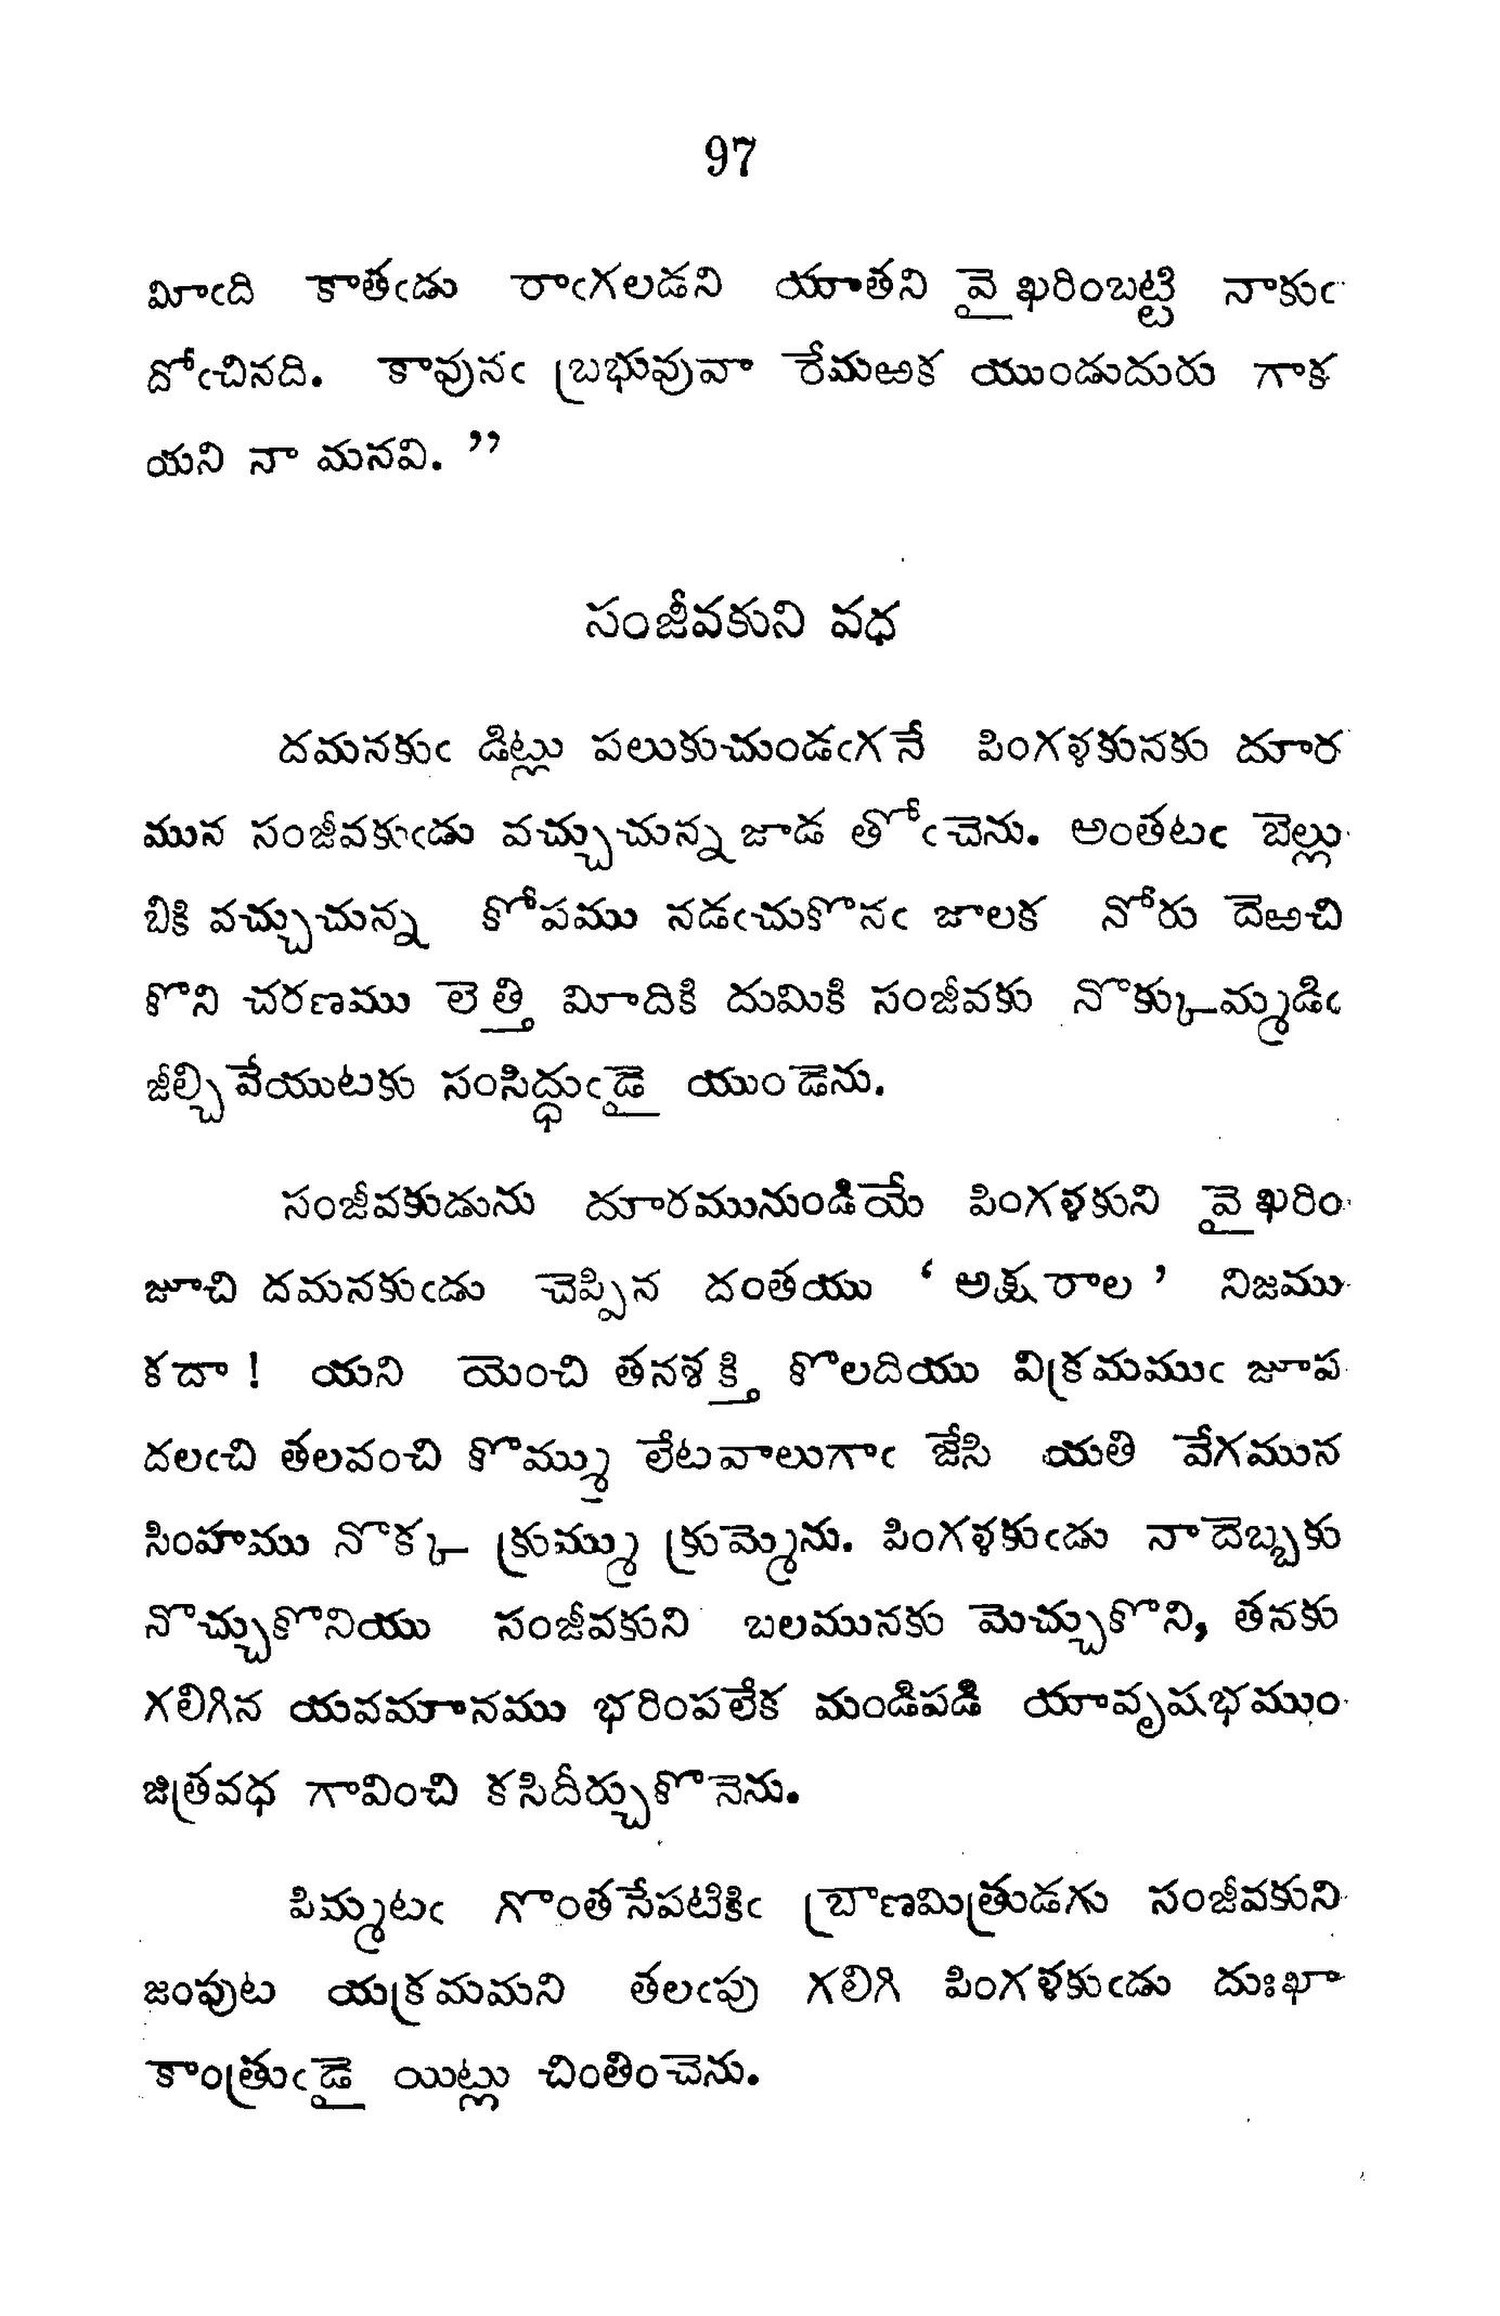మీది కాతడు రాగలడని యాతని వైఖరింబట్టి నాకు దోచినది. కావున బ్రభువువా రేమఱక యుండుదురు గాక యని నా మనవి.

దమనకు డిట్లు పలుకుచుండగనే పింగళకునకు దూరమున సంజీవకుడు వచ్చుచున్న జాడ తోచెను. అంతట బెల్లుబికి వచ్చుచున్న కోపము నడచుకొన జాలక నోరు దెఱచికొని చరణము లెత్తి మీదికి దుమికి సంజీవకు నొక్కమ్మడి జీల్చివేయుటకు సంసిద్ధుడై యుండెను.

సంజీవకుడును దూరమునుండియే పింగళకుని వైఖరింజూచి దమనకుడు చెప్పిన దంతయు 'అక్షరాల' నిజము కదా! యని యెంచి తనశక్తి కొలదియు విక్రమము జూప దలచి తలవంచి కొమ్ము లేటవాలుగా జేసి యతి వేగమున సింహము నొక్క క్రుమ్ము క్రుమ్మెను. పింగళకుడు నాదెబ్బకు నొచ్చుకొనియు సంజీవకుని బలమునకు మెచ్చుకొని, తనకు గలిగిన యవమానము భరింపలేక మండిపడి యావృషభముం జిత్రవధ గావించి కసిదీర్చుకొనెను.

పిమ్మట గొంతసేపటికి బ్రాణమిత్రుడగు సంజీవకుని జంపుట యక్రమమని తలపు గలిగి పింగళకుడు దు:ఖా కాంత్రుడై యిట్లు చింతించెను.